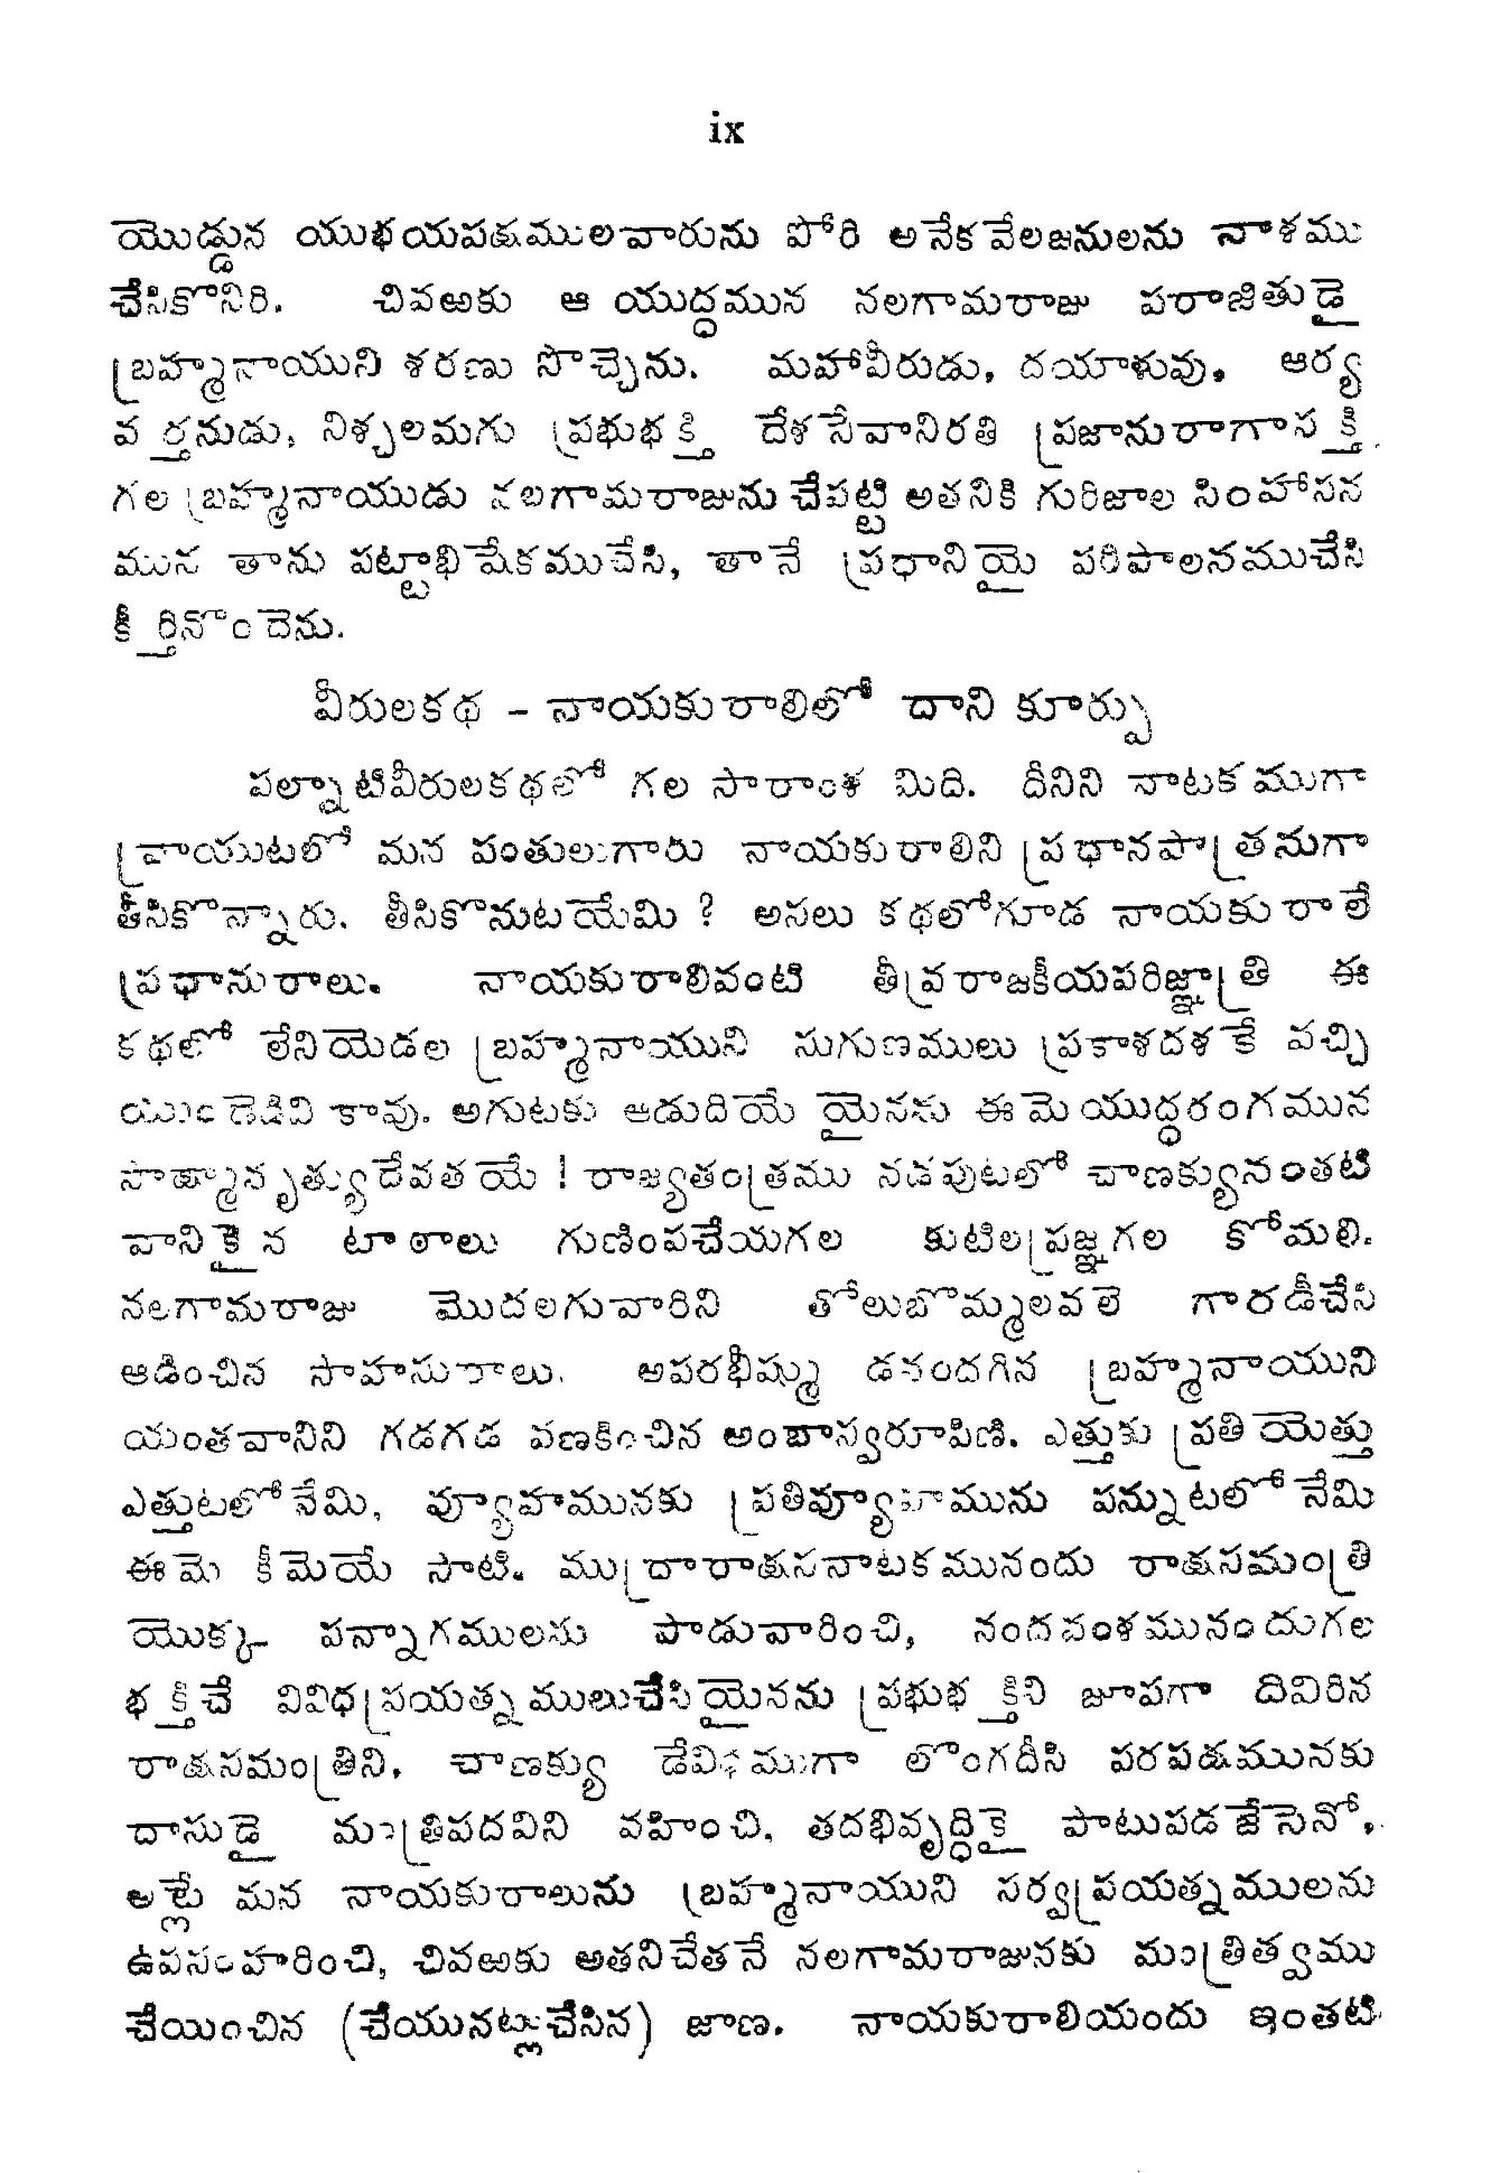యొడ్డున యుభయపక్షములవారును పోరి అనేకవేలజనులను నాశము చేసికొనిరి. చివఱకు ఆ 
యుద్ధమున నలగామరాజు పరాజితుడై బ్రహ్మనాయుని శరణు సొచ్చెను. మహావీరుడు, దయాళువు. ఆర్య వర్తనుడు, నిశ్చలమగు ప్రభుభక్తి దేశసేవానిరతి ప్రజానురాగాసక్తి గల బ్రహ్మనాయుడు నలగామరాజును చేపట్టి అతనికి గురిజాల సింహాసనమున తాను పట్టాభిషేకముచేసి, తానే ప్రధానియై పరిపాలనముచేసి కీర్తినొందెను.

పల్నాటివీరులకథలో గల సారాంశ మిది. దీనిని నాటకముగా వ్రాయుటలో మన పంతులుగారు నాయకురాలిని ప్రధానపాత్రనుగా తీసికొన్నారు. తీసికొనుటయేమి ? అసలు కథలోగూడ నాయకురాలే
ప్రధానురాలు. నాయకురాలివంటి తీవ్రరాజకీయపరిజ్ఞాత్రి ఈ కథలో లేనియెడల బ్రహ్మనాయుని సుగుణములు ప్రకాశదశకే వచ్చి యుండెడివి కావు. అగుటకు ఆడుదియే యైనను ఈమె యుద్ధరంగమున సాక్ష్మానృత్యుదేవతయే ! రాజ్యతంత్రము నడపుటలో చాణక్యునంతటి వానికైన టాఠాలు గుణింపచేయగల కుటిలప్రజ్ఞగల కోమలి. నలగామరాజు మొదలగువారిని తోలుబొమ్మలవలె గారడీచేసి ఆడించిన సాహసురాలు, అపరభీష్ము డనందగిన బ్రహ్మనాయుని యంతవానిని గడగడ వణకించిన అంబాస్వరూపిణి. ఎత్తుకు ప్రతి యెత్తు ఎత్తుటలోనేమి, వ్యూహమునకు ప్రతివ్యూహమును పన్నుటలో నేమి ఈమె కీమెయే సాటి. ముద్రారాక్షసనాటకమునందు రాజసమంత్రి యొక్క పన్నాగములను పాడువారించి, నందవంశమునందుగల భక్తిచే వివిధ ప్రయత్నములుచేసియైనను ప్రభుభక్తిని జూపగా దివిరిన రాక్షసమంత్రిని, చాణక్యు డేవిధముగా లొంగదీసి పరపక్షమునకు దాసుడై మంత్రిపదవిని వహించి, తదభివృద్ధికై పాటుపడజేసెనో, అట్లే మన నాయకురాలును బ్రహ్మనాయుని సర్వప్రయత్నములను ఉపసంహరించి, చివఱకు అతనిచేతనే నలగామరాజునకు మంత్రిత్వము
చేయించిన (చేయునట్లుచేసిన) జాణ. నాయకురాలియందు ఇంతటి